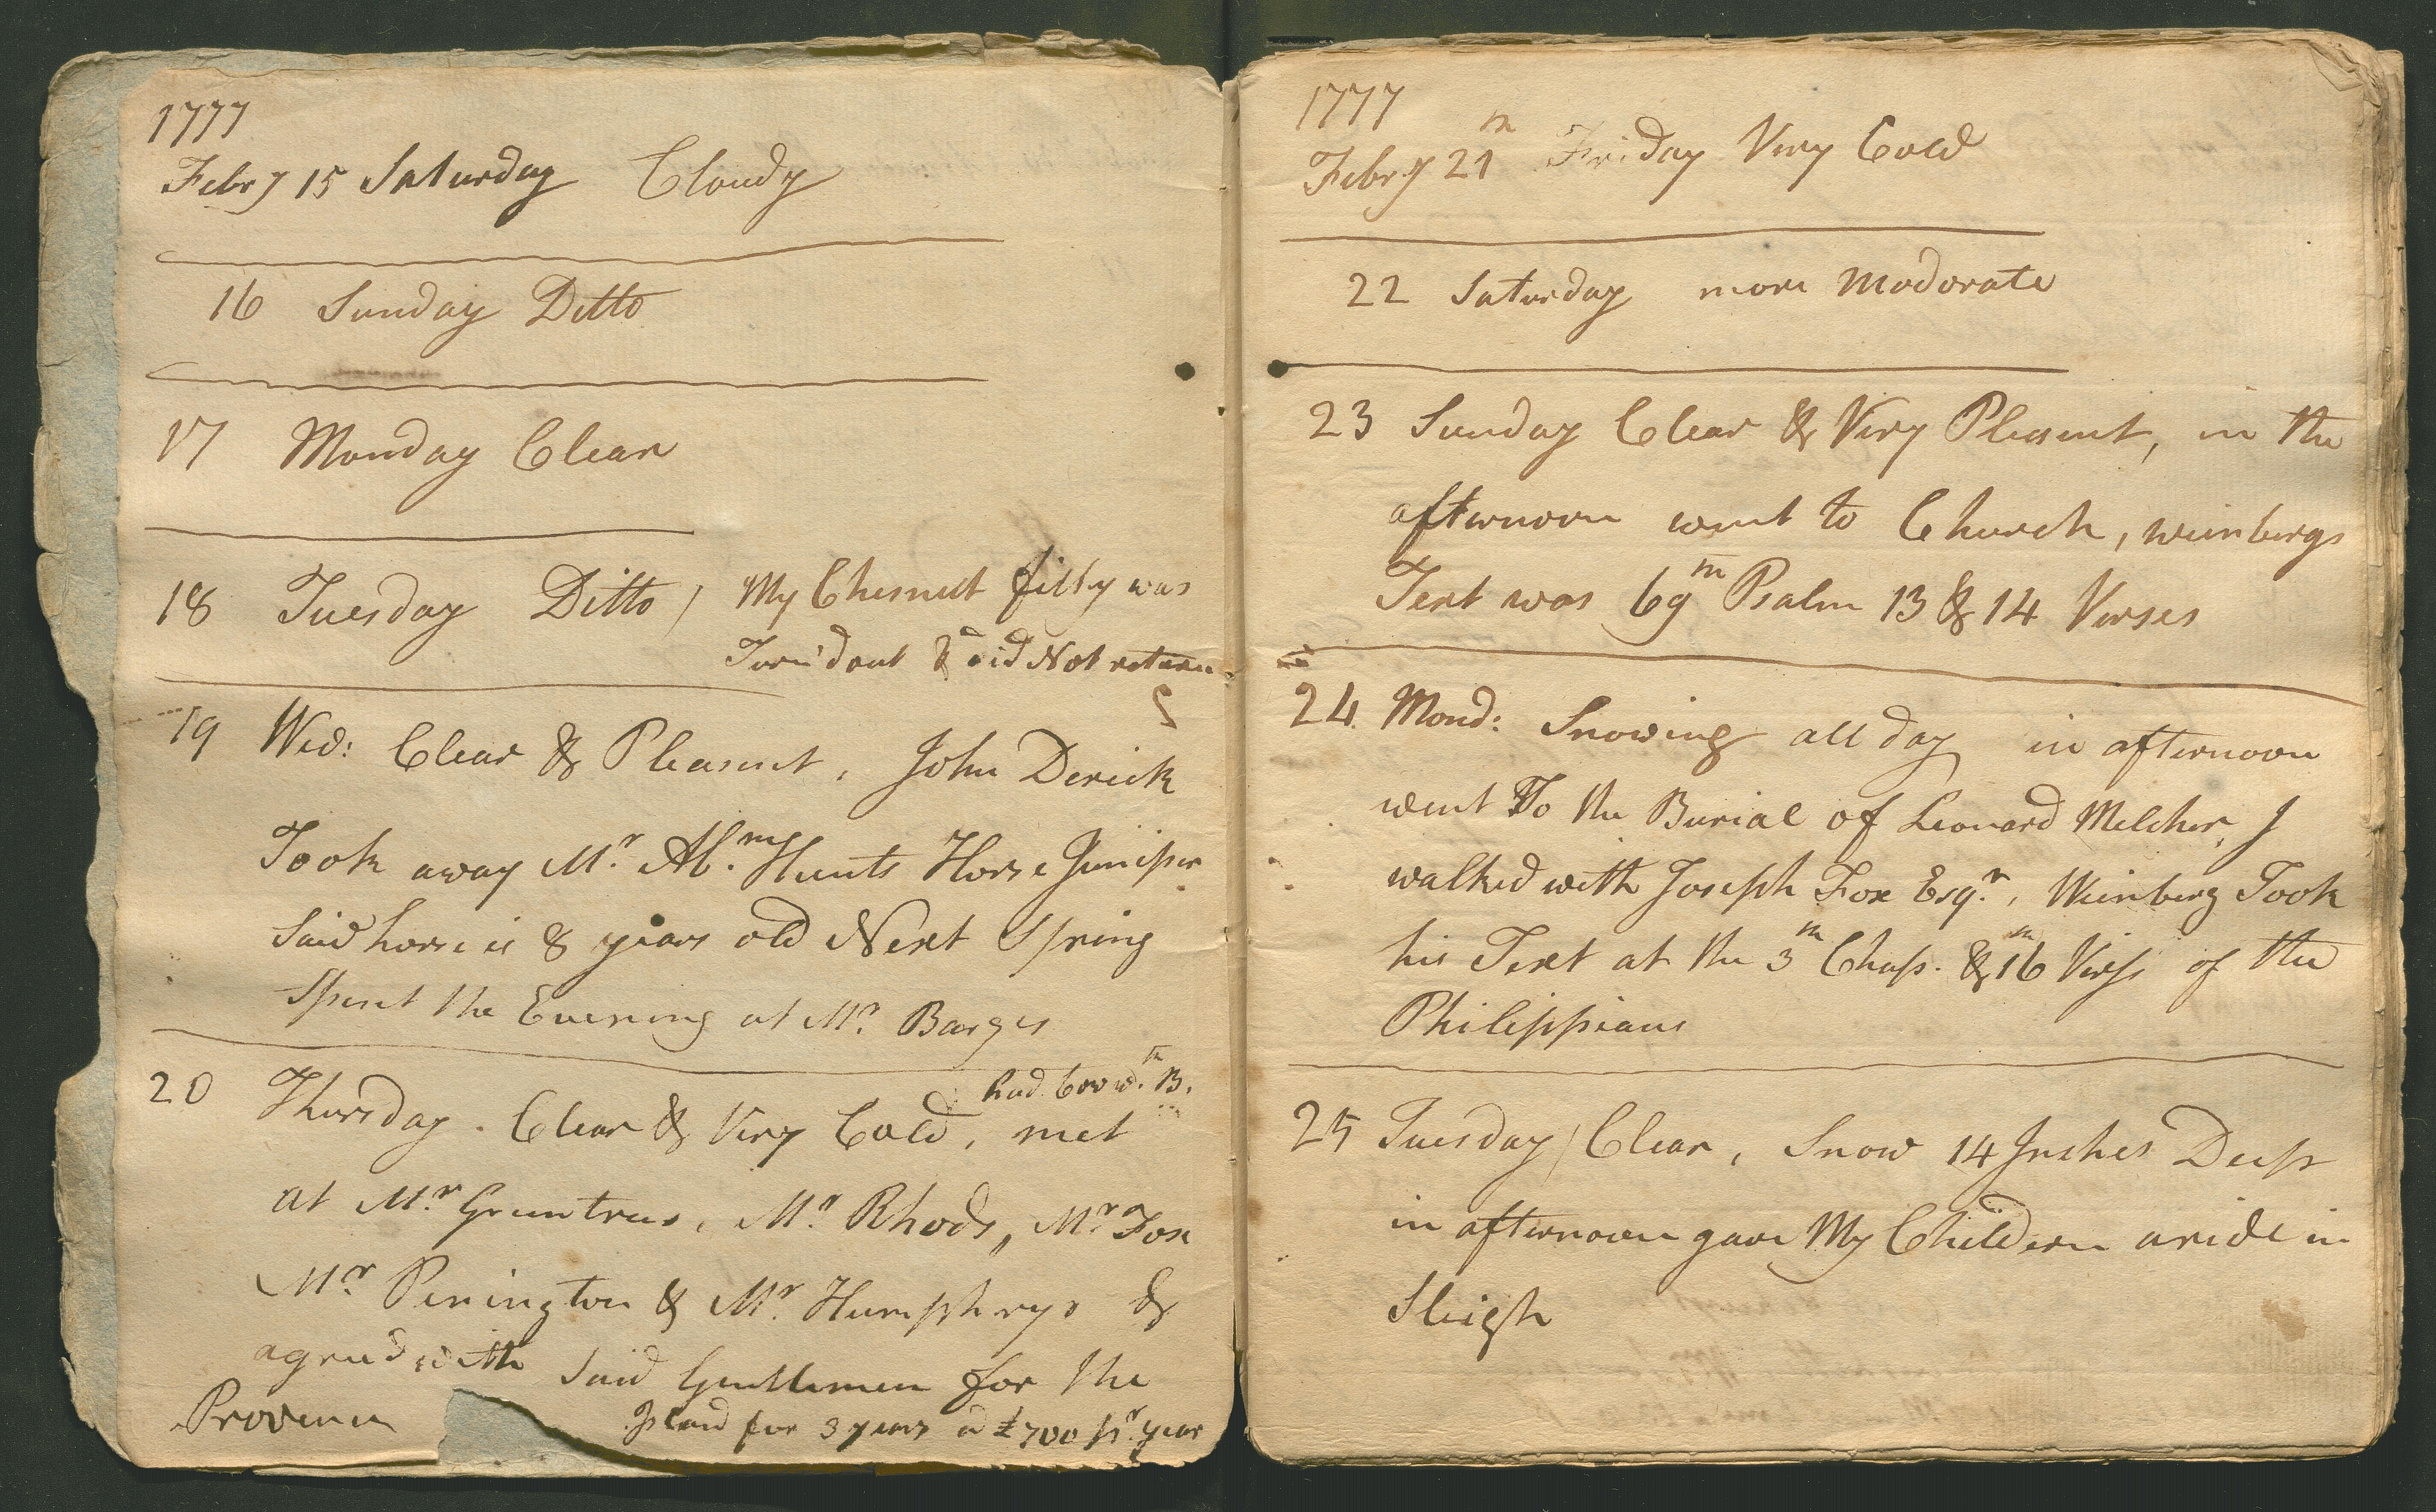1777
Febry 15 Saturday Cloudy
16 Sunday Ditto
17 Monday Clear
18 Tuesday Ditto My Chesnet filly was
Turn'd out & did Not return
19 Wed: Clear & Pleasent. John Derick
Took away M^r. Ab^m. Hunts Horse Juniper
said horse is 8 years old Next spring
spent the Evening at M^r. Barges
had Cow w^th. B.
20 Thurrday. Clear & Very Cold, met
at M^r. Greentrees, M^r. Rhods, M^r. Fox
M^r. Penington & M^r. Humphrys &
agreed with Saw Gentlemen for the
Provence
Island for 3 years @ £700 p^r. year
1777
Febr^y. 21^th Friday Very Cold
22 Saturday more Modorate
23 Sunday Clear & Very Pleasent, in the
afternoon went to Church, weinbergs
Text was 69^t. Psalm 13 & 14 Verses
24 Mond: Snowing all day in afternoon
went to the Burial of Leonard Melcher, I
walked with Joseph Fox Esq^r., Weinberg Took
his Text at the 3^th Chap. & 16th Verss of the
Philippians
25 Tuesday Clear, Snow 14 Inches Deep
in afternoon gave My Childern a ride in
Sleigh